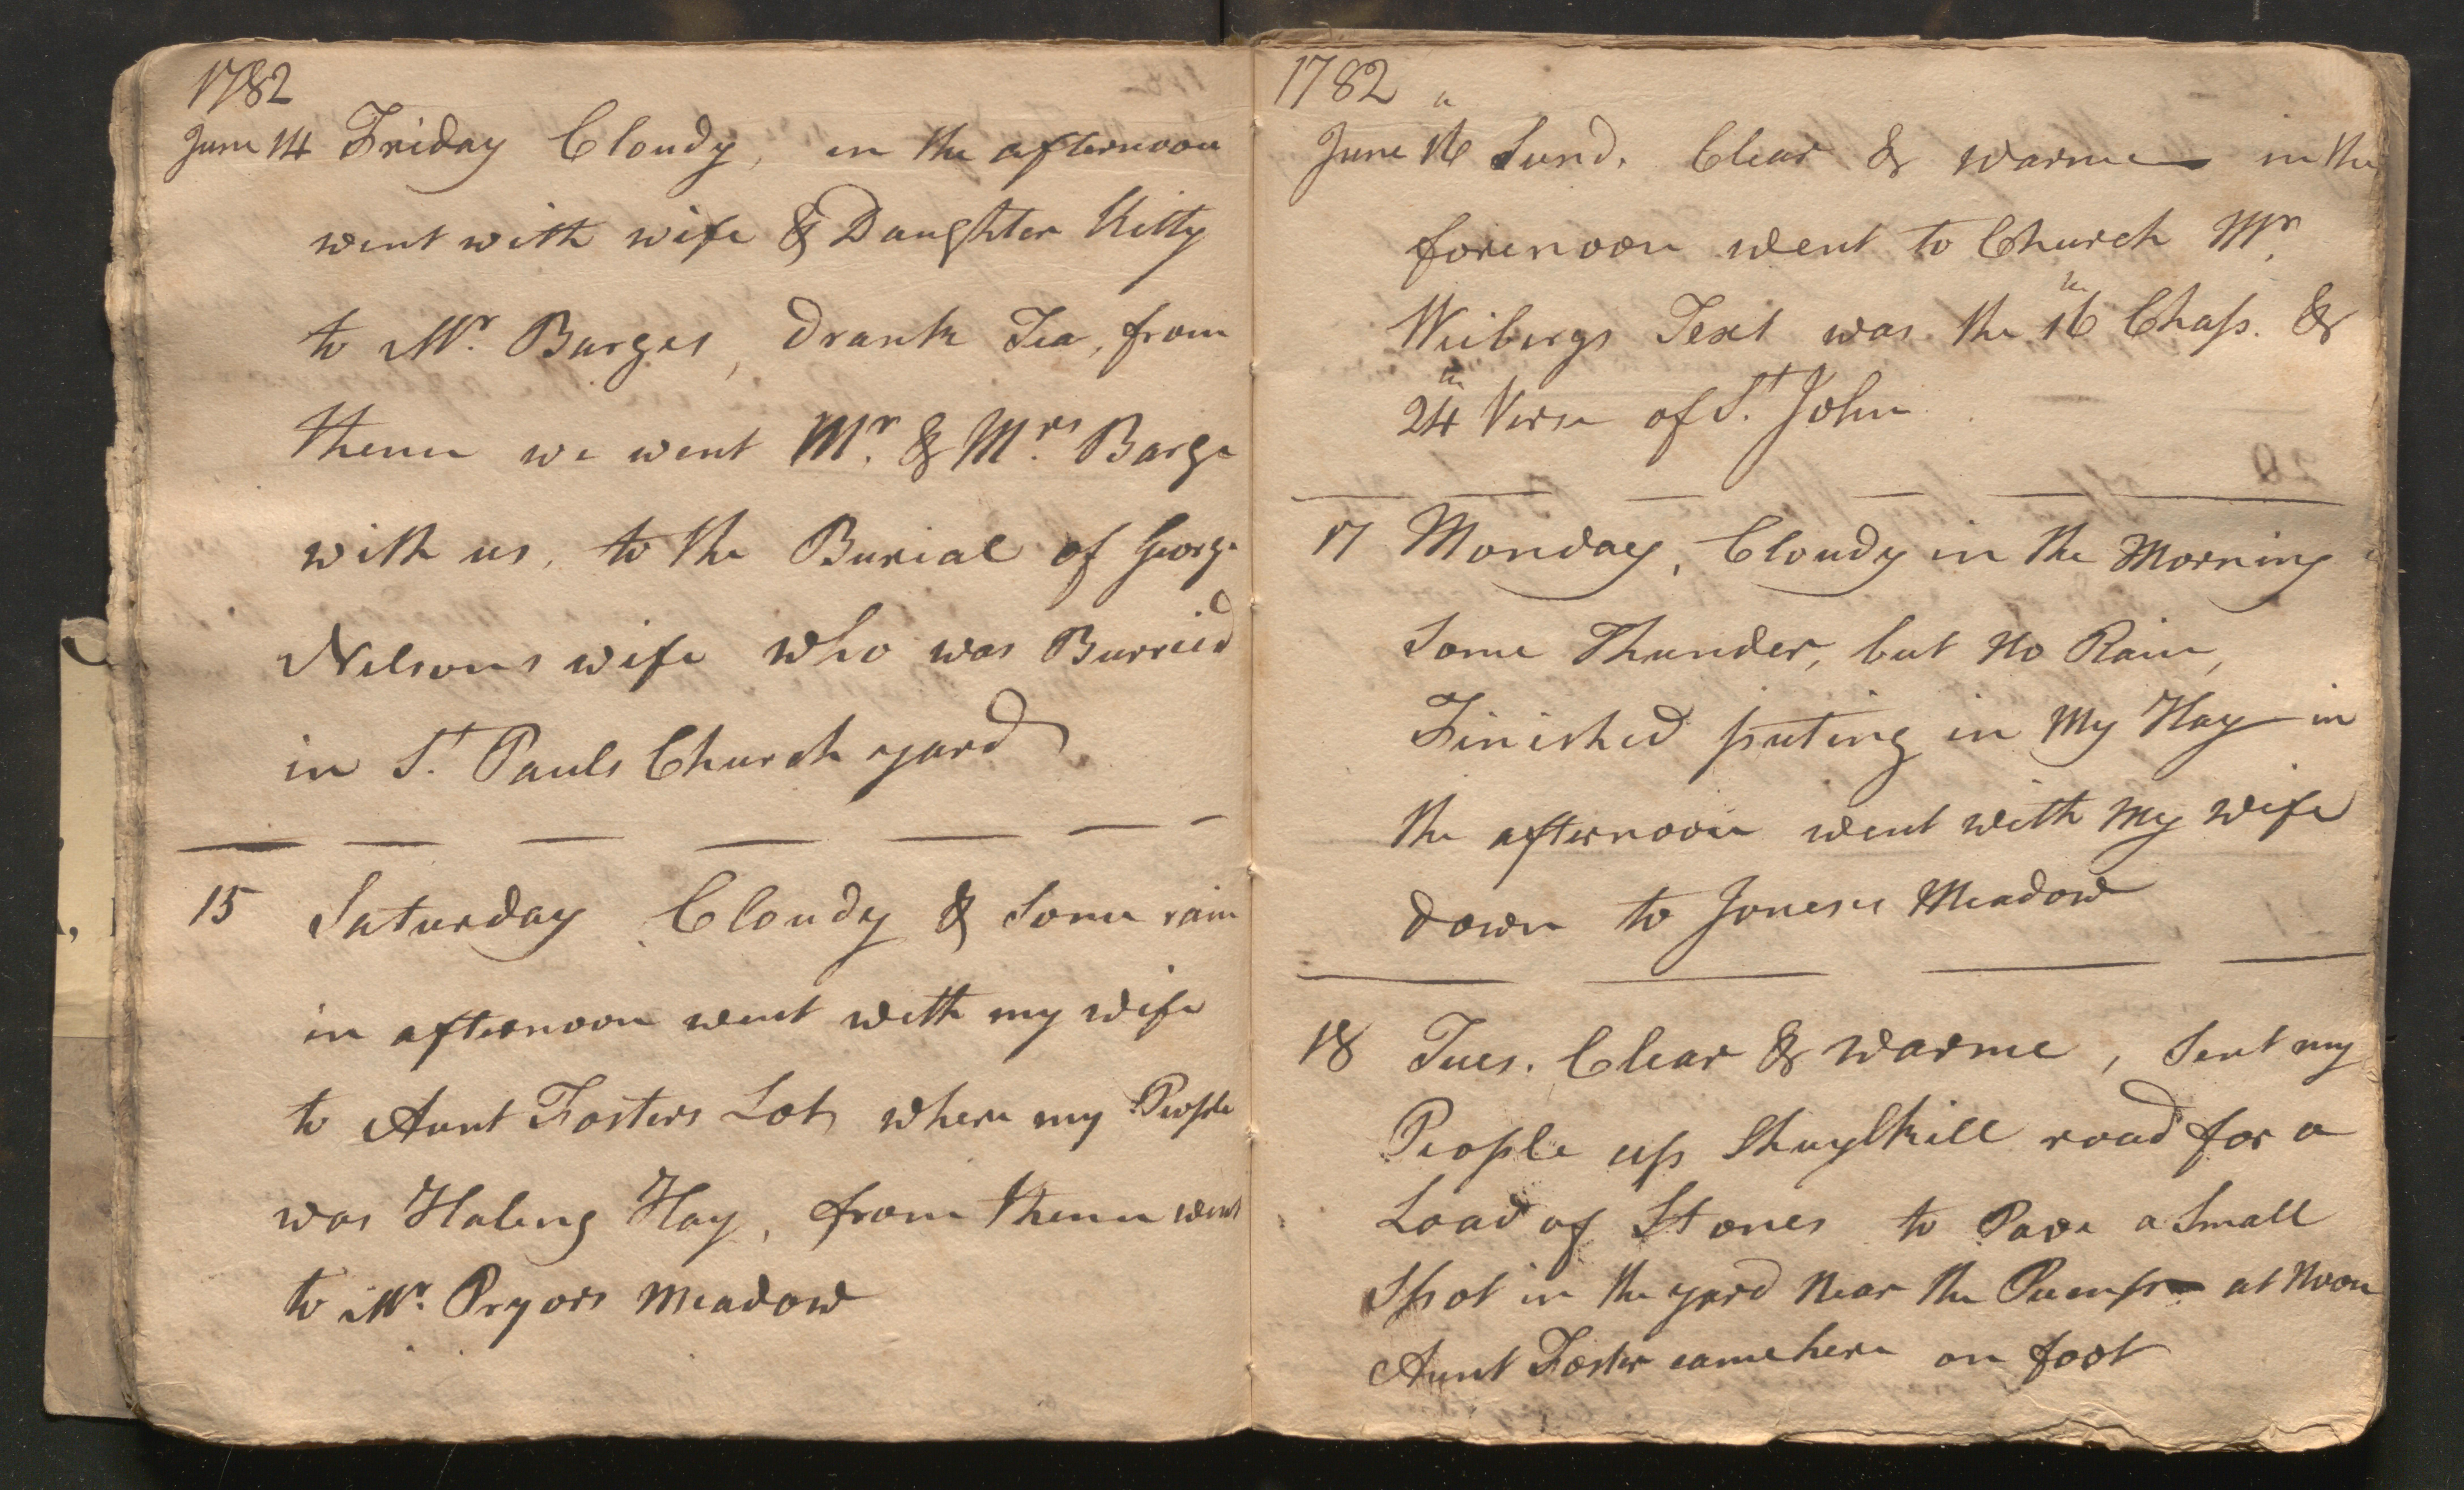1782
June 14 Friday Cloudy, in the afternoon
went with wife & Daughter Kitty
to M^r. Barges, drank Tea, from
thence we went M^r. & M^rs. Barge
with us, to the Burial of George
Nelsons wife who was Burried
in S^t. Pauls Church yard
15 Saturday Cloudy & some ram
in afternoon went with my wife
to Aunt Fosters Lot where my People
was Haling Hay. from thence went
to M^r. Pryors Meadow
1782
June 16 Sund. Clear & warme- in the
forenoon went to Church M^r.
Weibergs Text was the 16^th Chap. &
24^th Verse of S^t. John
17 Monday. Cloudy in the Mornig
some Thunder, but no Rain
Finished puting in My Hay in
the afternoon went with My wife
down to Joneses Meadow
18 Tues. Clear & Warme, Sent my
People up Shuylkill road for a
Load of Stones, to Pave a small
Spot in the yard near the Pump at noon
Aunt Foster came here on foot